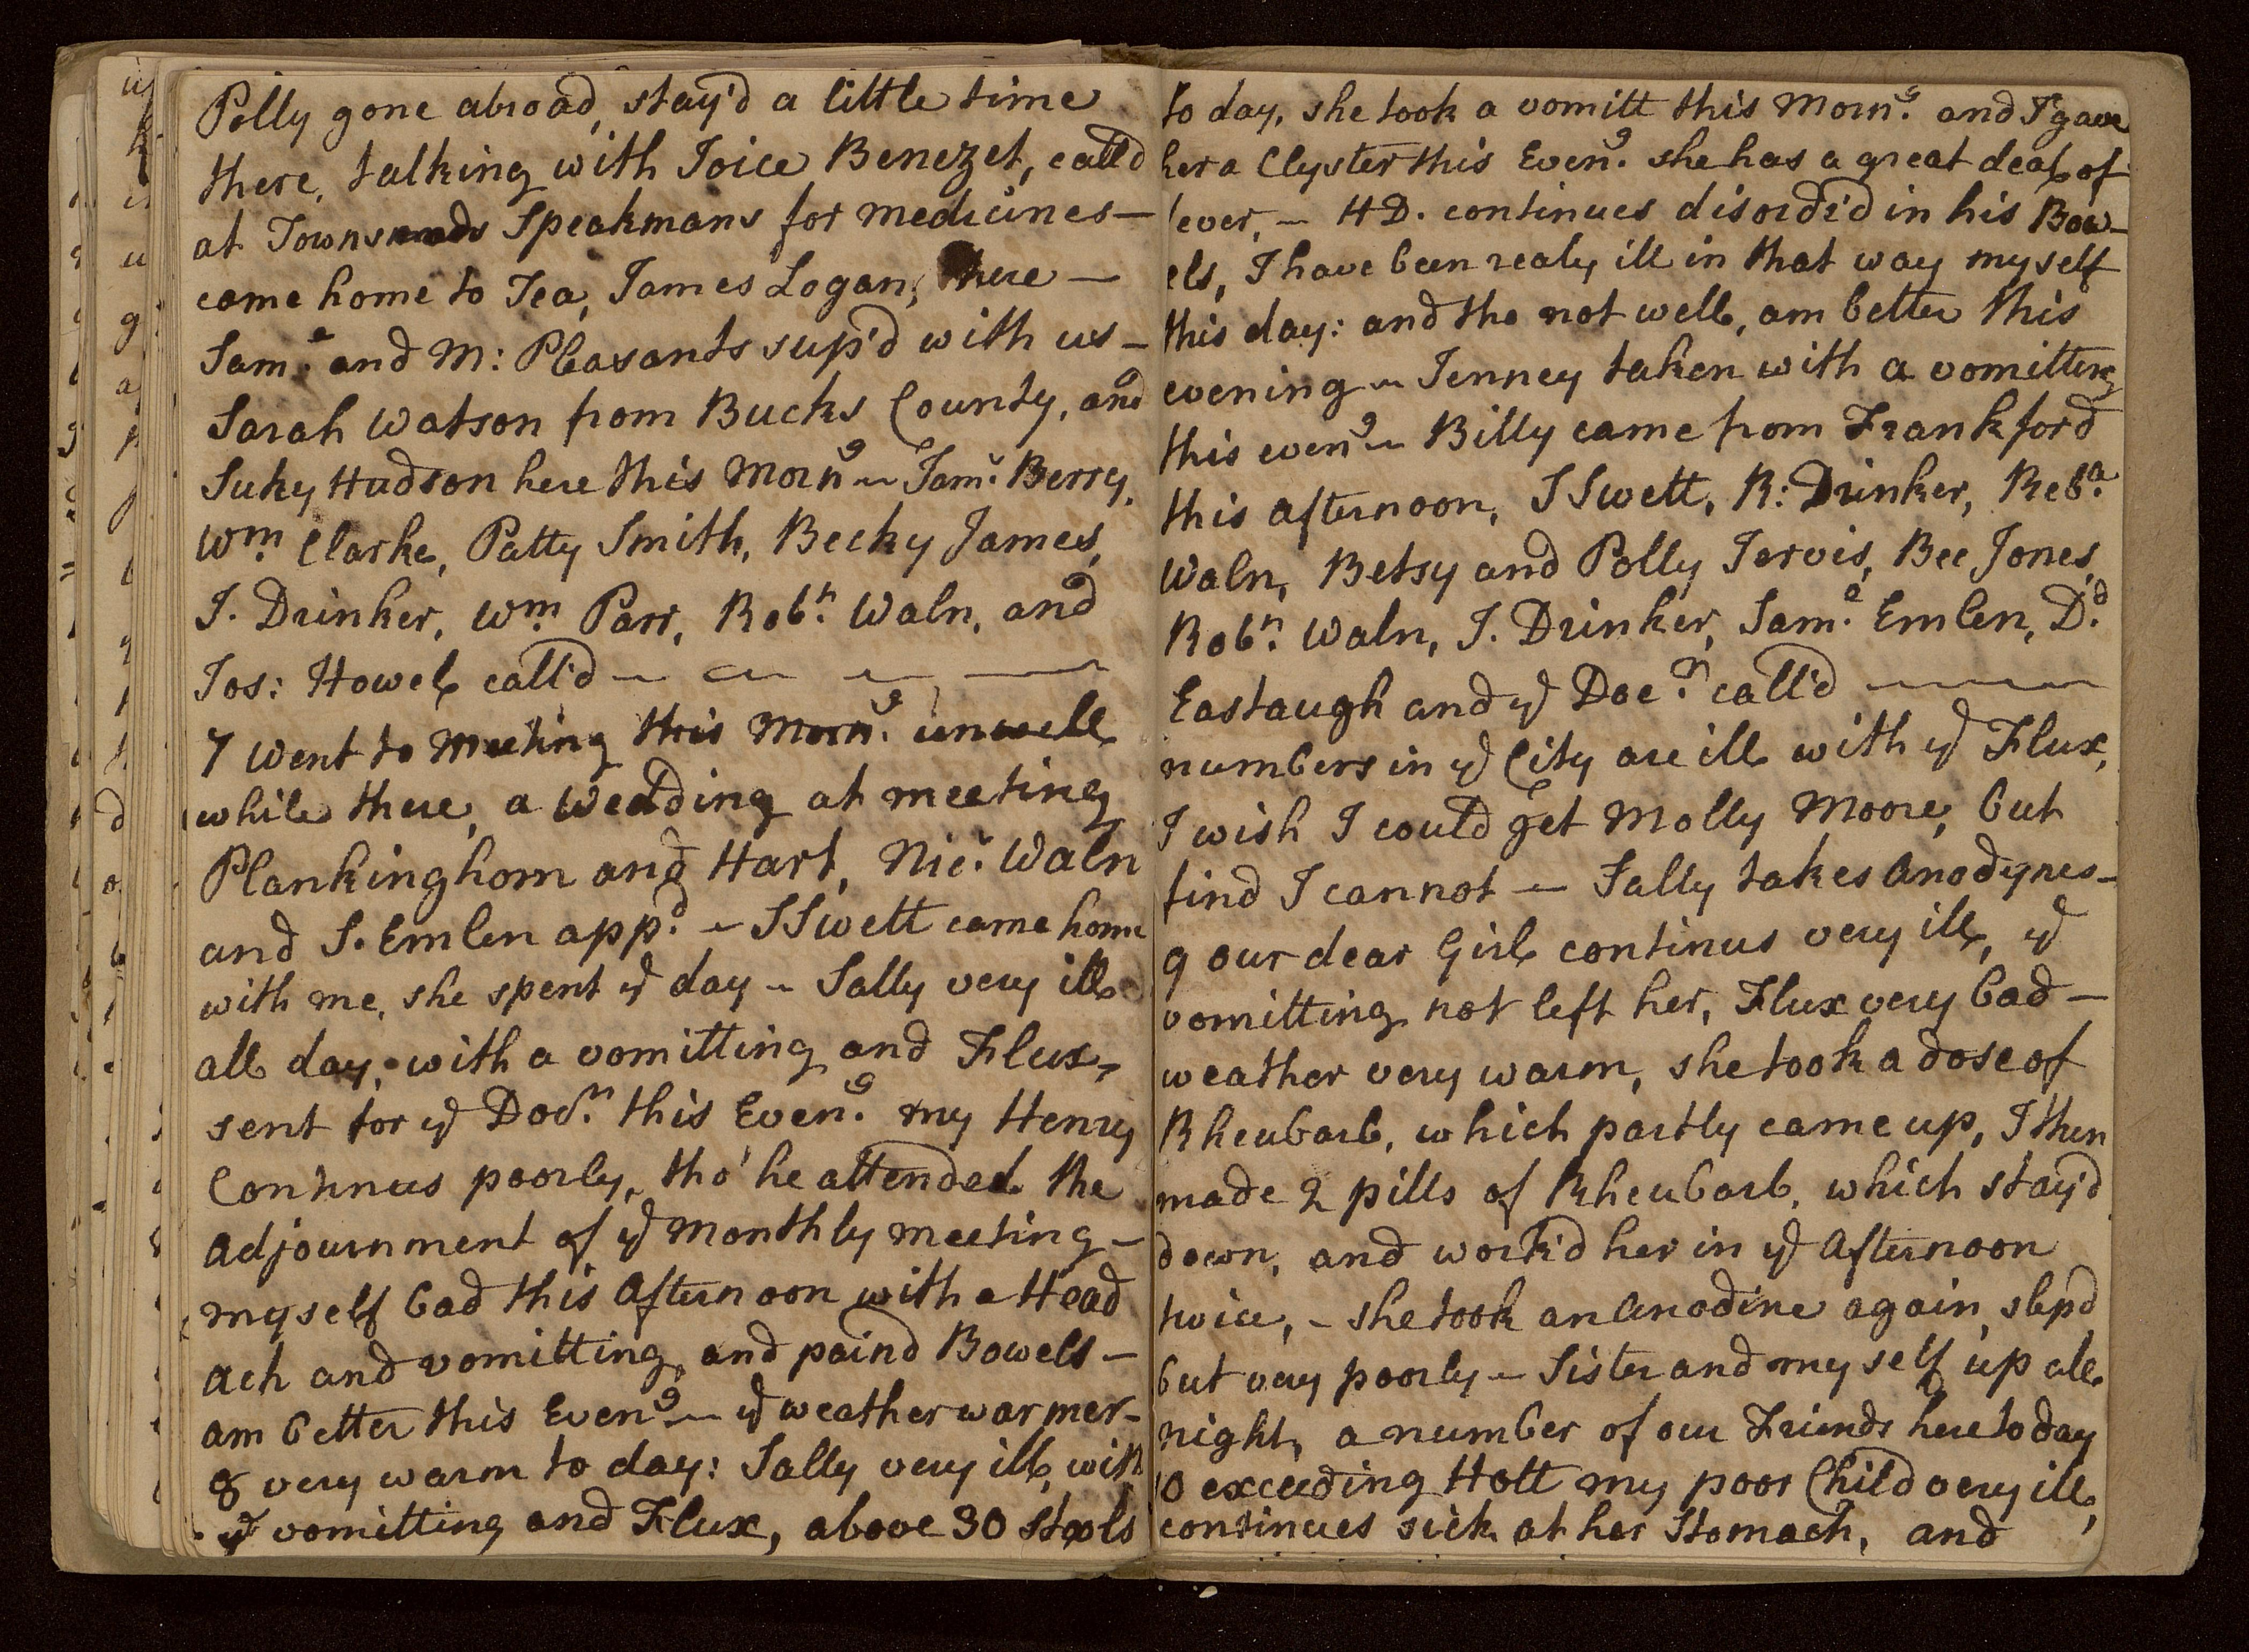Polly gone abroad, stay'd a little time
there, talking with Joice Benezet, calld
at Towns[ends] Speakmans for medicines-
came home to Tea, James Logan, here-
Sam^l. and M: Pleasants sup'd with us-
Sarah Watson from Bucks County, and
Suky Hudson here this Morn^g- Sam^l. Berry,
W^m. Clarke, Patty Smith, Becky James,
I. Drinker, W^m. Parr, Rob^t. Waln, and
Jos: Howel call'd---
7 went to meeting this morn^g. unwell
while there, a Wedding at meeting
Plankinghorn and Hart, Nic^s. Waln
and S. Emlen app^d.- S Swett came home
with me, she spent y^e day- Sally very ill
all day; with a vomitting, and Flux,
sent for y^e Doc^r. this Even^g. my Henry
continus poorly, tho' he attended the
adjournment of y^e monthly meeting-
myself bad this Afternoon with a Head
Ach and vomitting, and paind Bowels-
am better this Even^g- y^e weather warmer-
8 very warm to day: Sally very ill, with
y^e vomitting and Flux, above 30 Stools
to day, she took a vomitt this morn^g. and I gave
her a Clyster this Even^g. she has a great deal of
fever- HD. continues disordr'd in his Bow-
els, I have been realy ill in that way myself
this day: and tho not well, am better this
evening- Jenney taken with a vomitting
his even^g- Billy came from Frankford
this afternoon, S Swett, R: Drinker, Reb^a.
Waln, Betsy and Polly Jervis, Bee Jones
Rob^t. Waln, S. Drinker, Sam^l. Emlen, D^d.
Eastaugh and y^e Doc^r. call'd-
numbers in y^e City are ill with y^e Flux,
I wish I could get molly Moore, but
find I cannot- Sally takes Anodynes.
9 our dear Girl continus very ill, y^e
vomitting not left her, Flux very bad-
weather very warm, she took a dose of
Rheubarb, which partly came up, I then
made 2 pills of Rheubarb, which stay'd
down, and work'd her in y^e Afternoon
twice,- she took an Anodine again, slepd
but very poorly- Sister and my self up all
night, a number of our Friends here to day
10 exceeding Hott my poor Child very ill,
continues sick at her Stomach, and